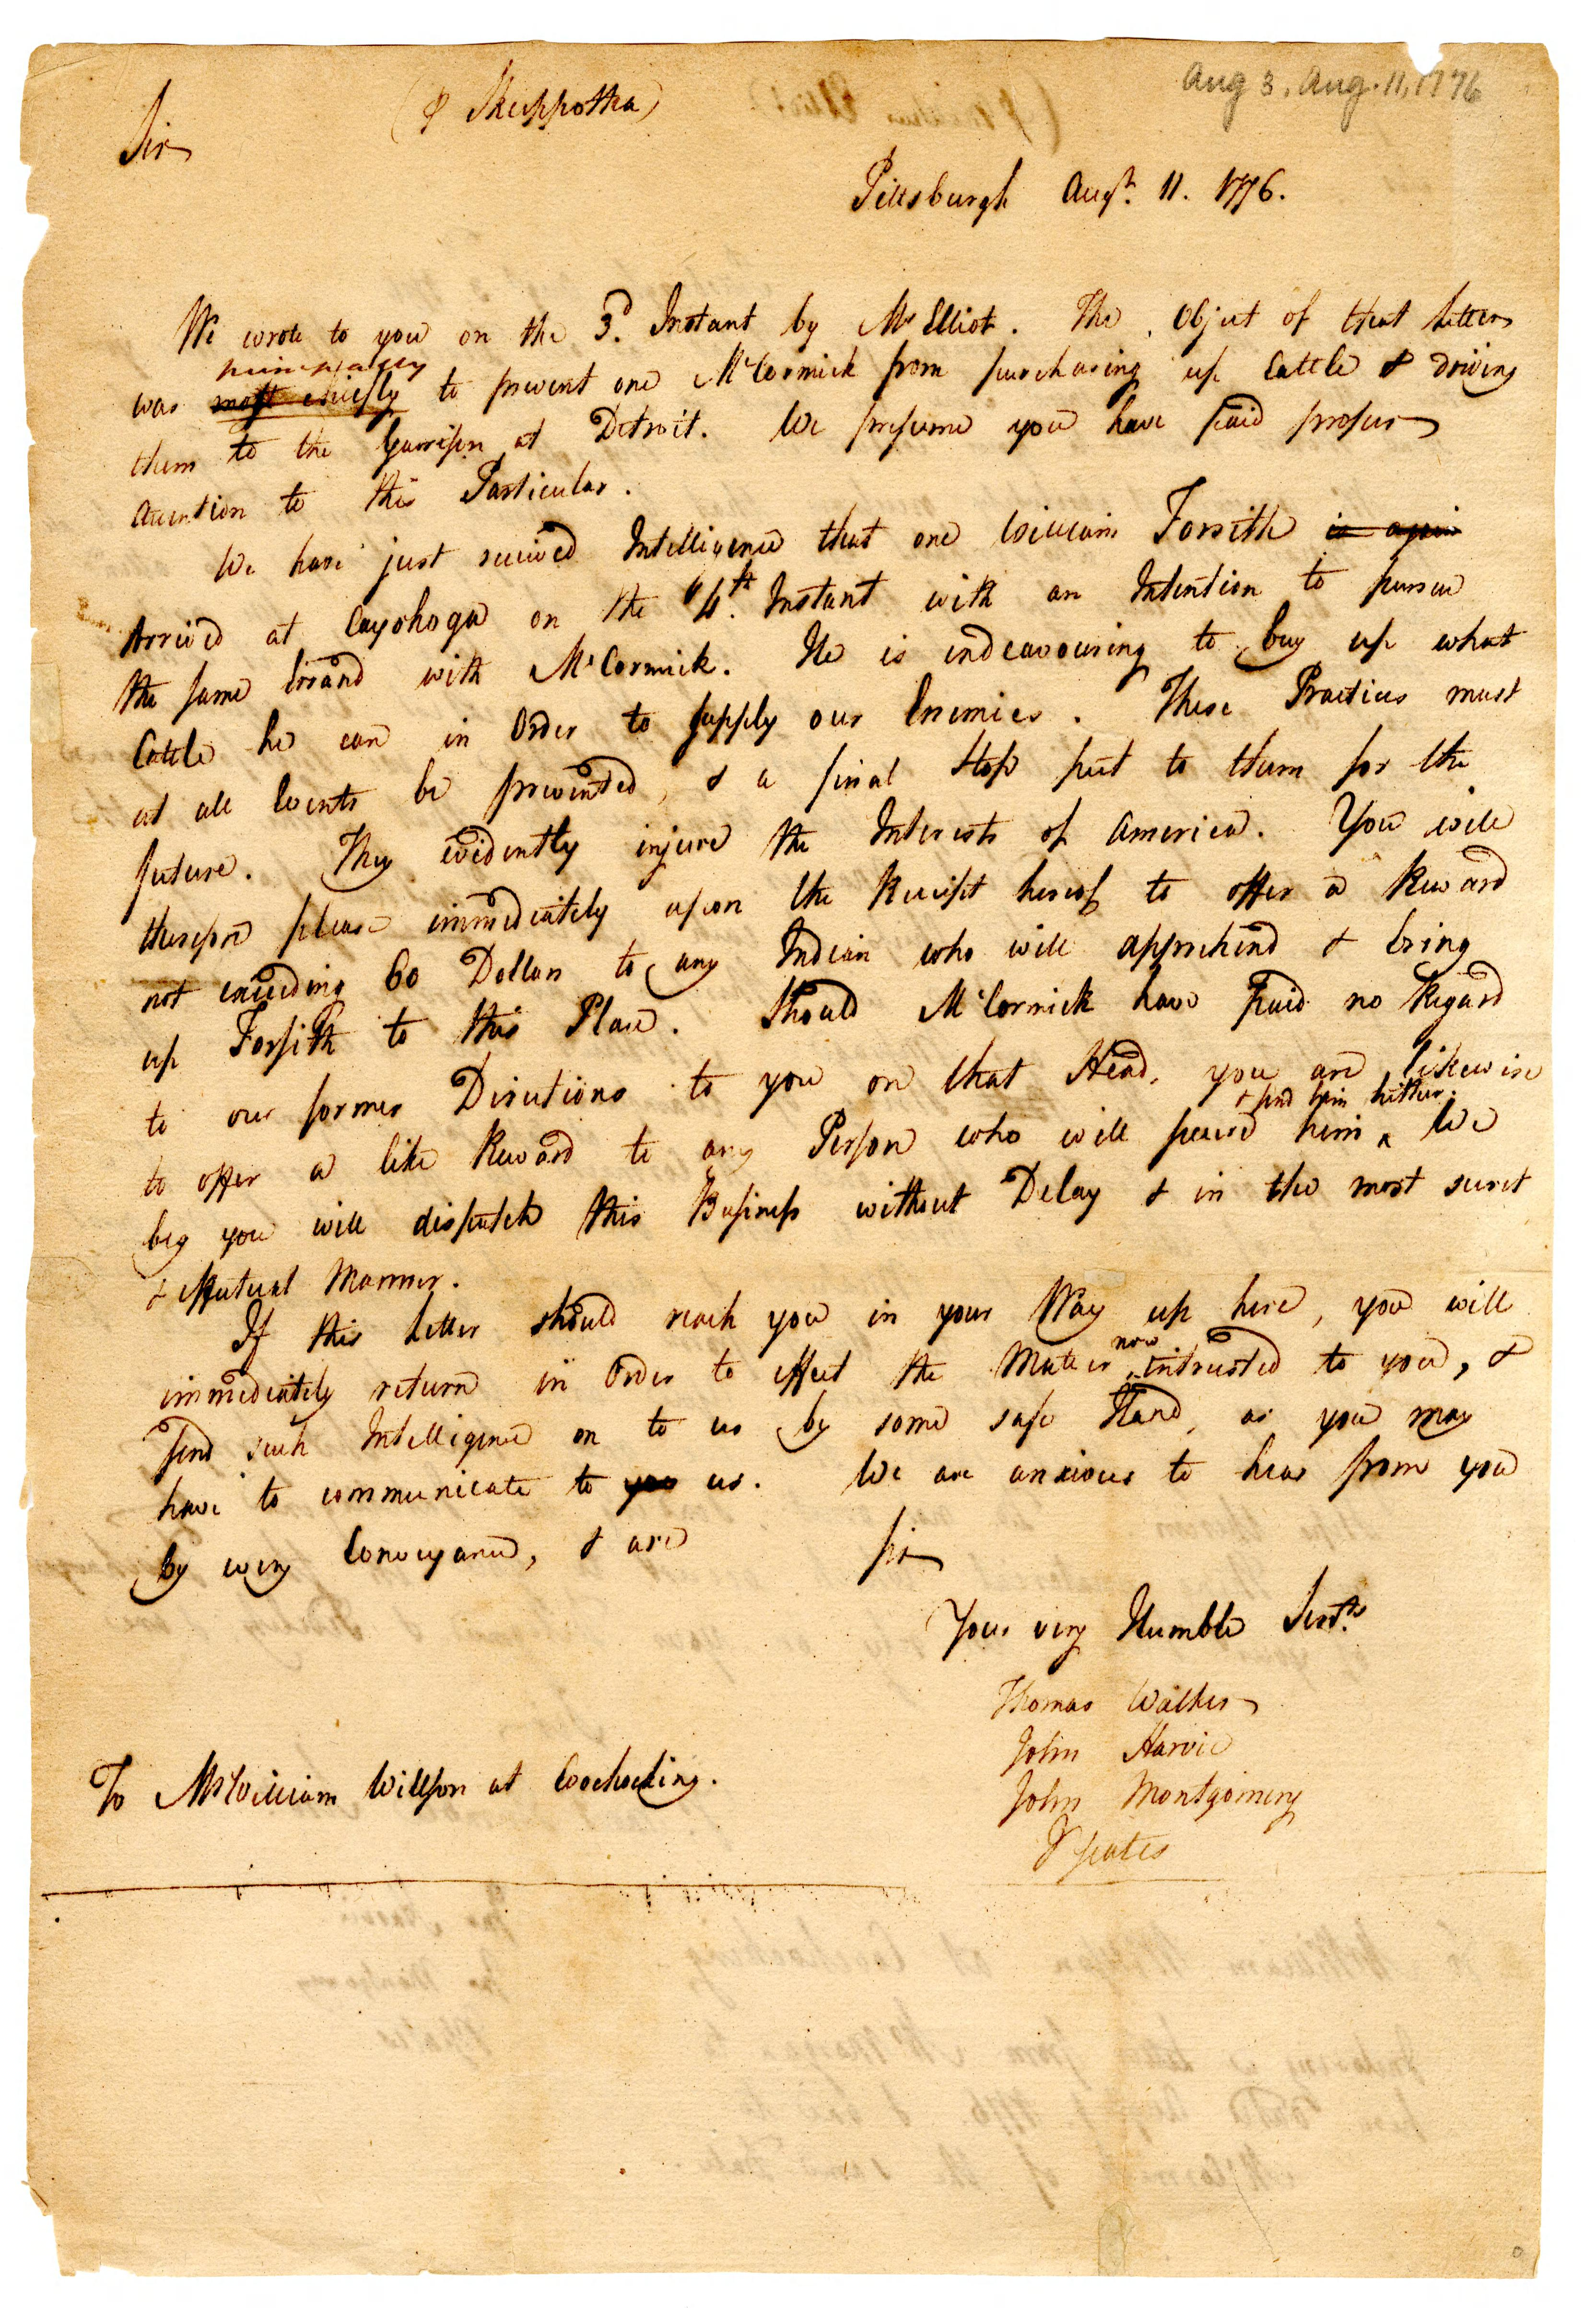(Per Skeppottea)
Pittsburgh Aug^t. 11. 1776.
Sir
We wrote to you on the 3^d. Instant by M^r Elliot. The Object of that Letter
principally
was [most chiefly] to prevent one M^cCormick from purchasing up Cattle & driving
them to the Garrison at Detroit. We presume you have paid proper
Attention to this Particular.
We have just received Intelligence that one William Forsith is again
Arrived at Cayohoga on the 4^th. Instant with an Intention to pursue
the same Errand with M^cCormick. He is endeavouring to buy up what
Cattle he can in Order to supply our Enemies. These Practices must
at all Events be prevented, & a final Stop put to them for the
future. They evidently injure the Interests of America. You will
therefore please immediately upon the Receipt hereof to offer a Reward
not exceeding 60 Dollar to any Indian who well apprehend & bring
up Forsith to this Place. Should McCormick have paid no Regard
to our former Directions to you on that Head, you are likewise
& send him hither
to offer a like Reward to any Person who will pursue him ^. We
beg you will dispatch this Business without Delay & in the most secret
& effectual Manner.
If this Letter should reach you in your Way up here, you will
now
immediately return in Order to effect the Matter ^ intrusted to you, &
send such Intelligence on to us by some safe Hand, as you may
have to communicate to you us. We are anxious to hear from you
by every Conveyance, & are
Sir
Your very Humble Serv^t.
Thomas Walker
John Harvie
John Montgomery
J Yeates
To M^r William Wilson at Coochocking.